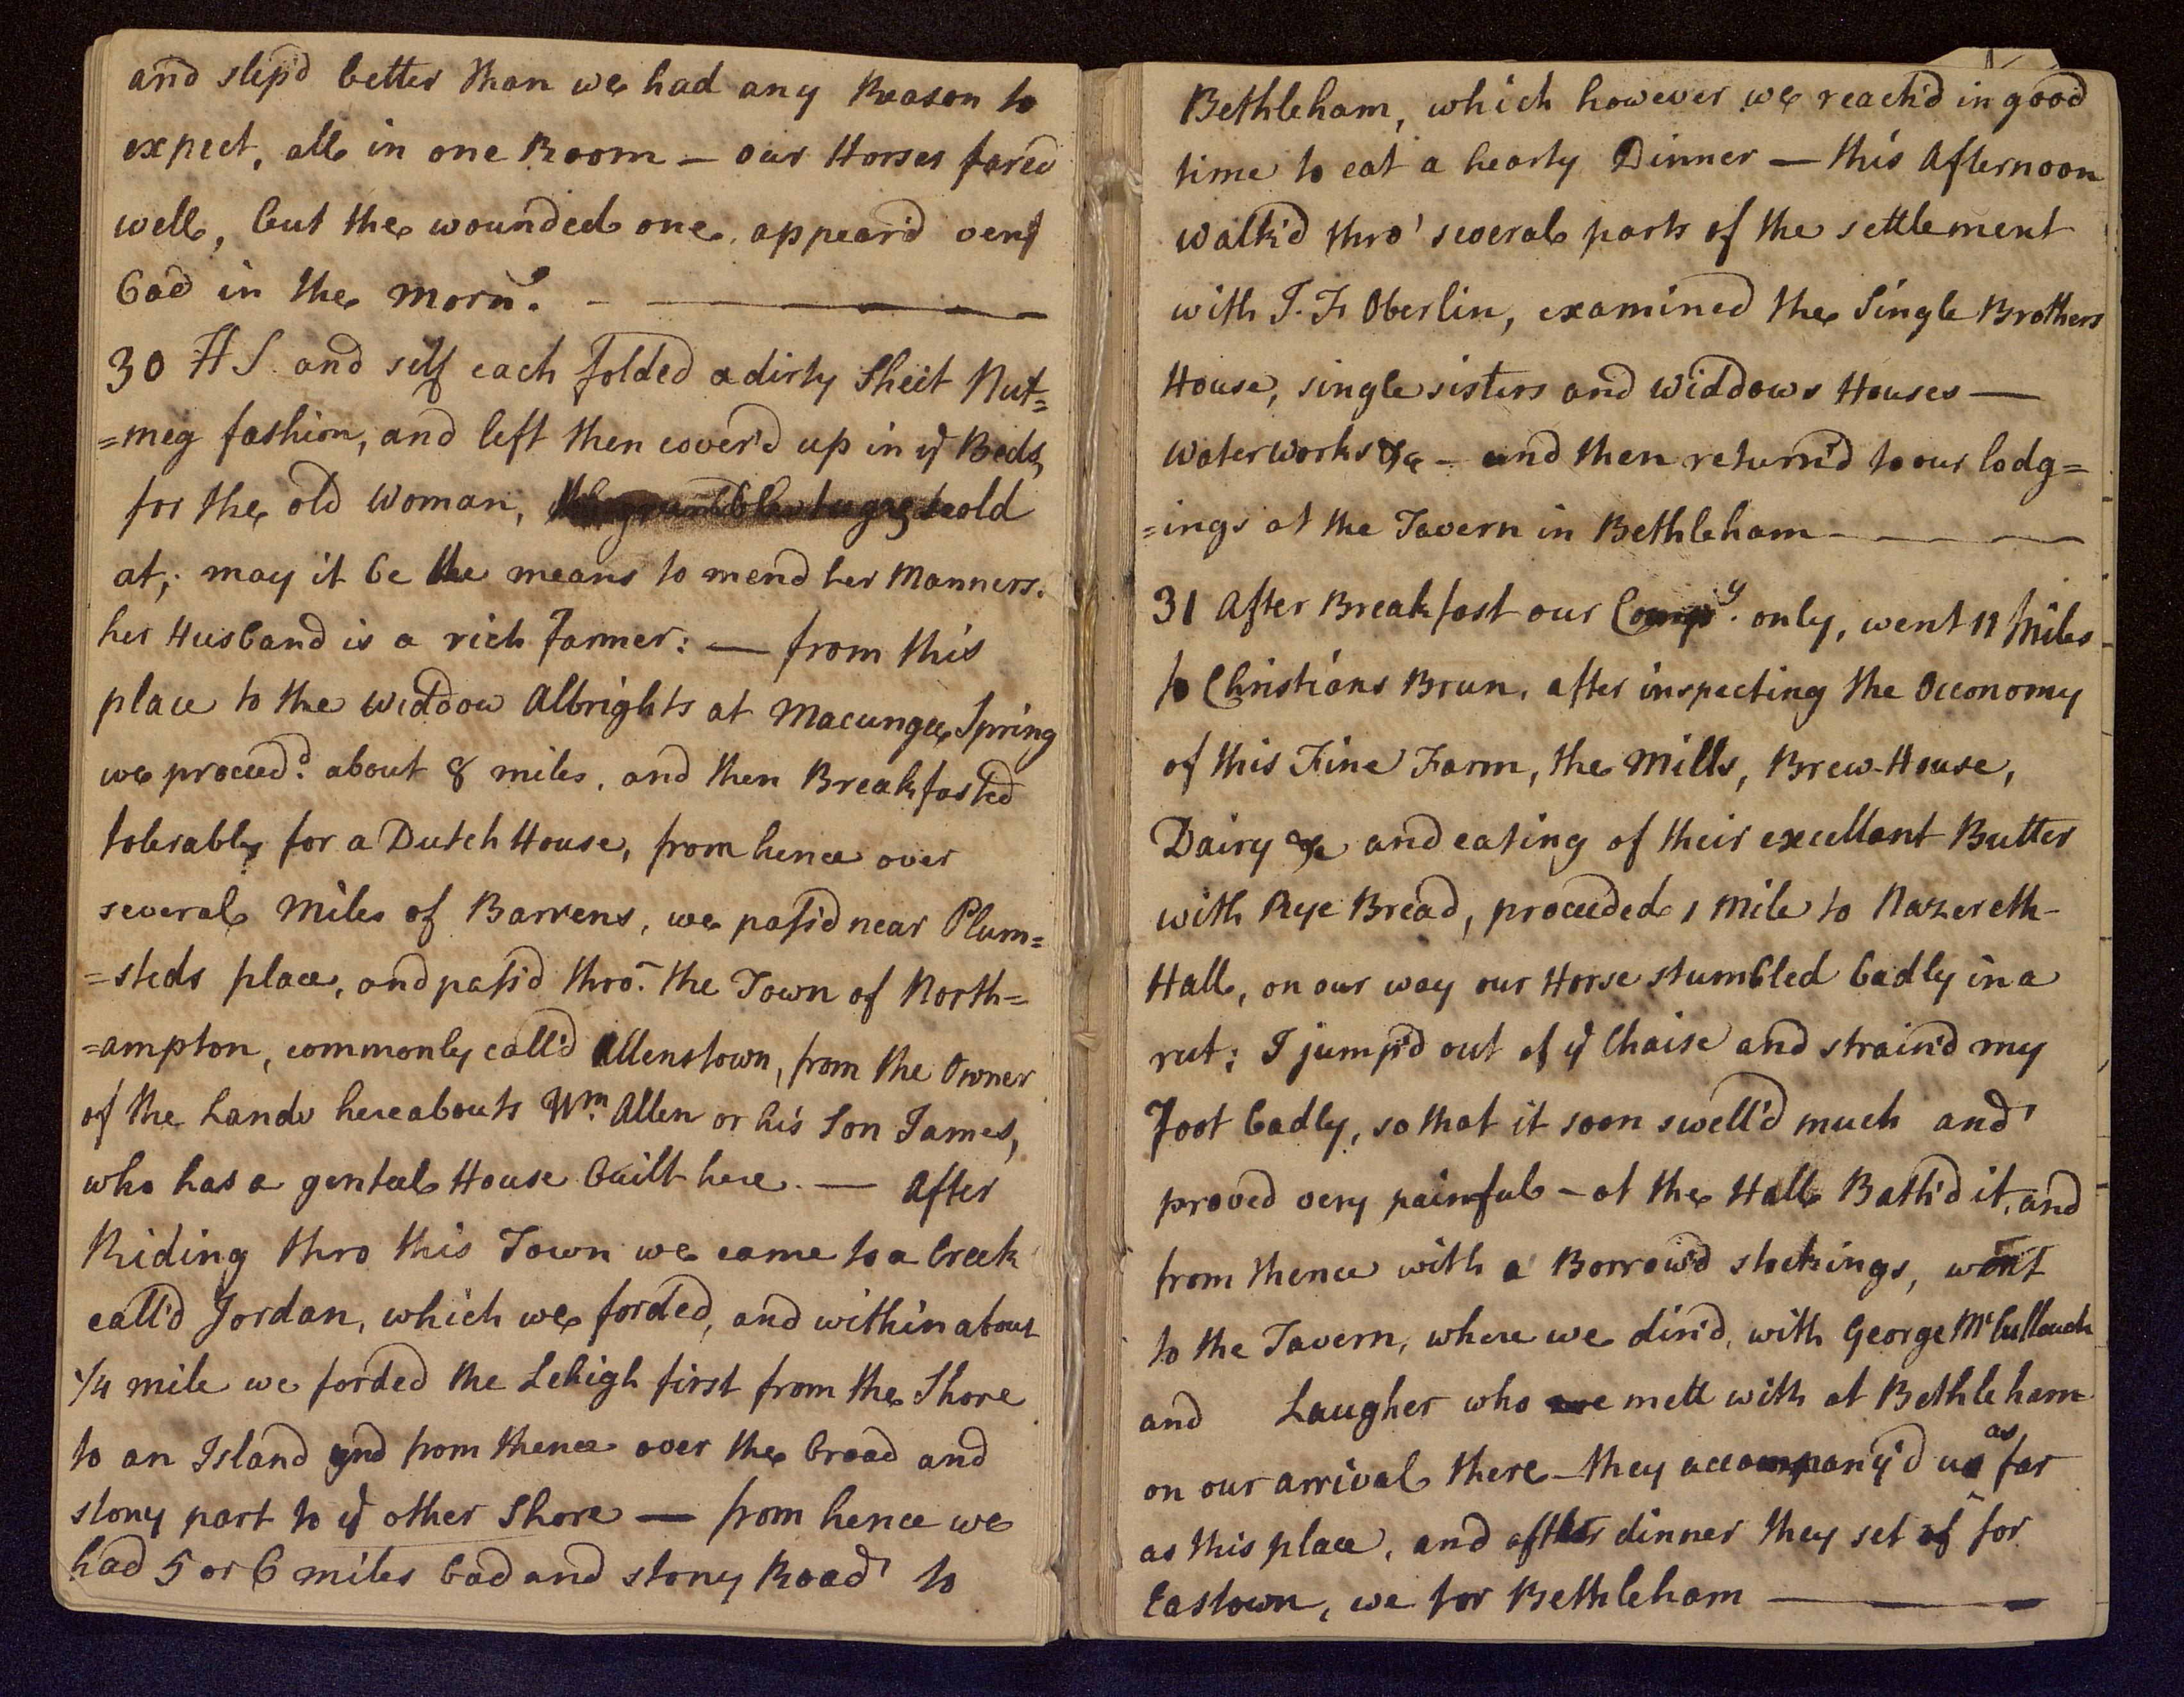and slep'd better than we had any Reason to
expect, all in one Room- our Horses fared
well, but the wounded one, appear'd very
bad in the morn^g.-
30 H S. and self each folded a dirty Sheet Nut-
-meg fashion, and left then cover'd up in y^e Beds,
for the old woman, [________________]old
at; may it be the means to mend her Manners.
her Husband is a rich famer:- from this
place to the Widdow Albrights at Macungu? Spring
we proceed^d. about 8 miles, and then Breakfasted
tolerably for a Dutch House, from hence over
several Miles of Barrens, we passd near Plum-
-steds place, and pass'd thro' the Town of North-
-ampton, commonly call'd Allenstown, from the Owner
of the hands hereabouts W^m. Allen or his Son James,
who has a gental House built here.- After
Riding thro this Town we came to a Creek
call'd Jordan, which we forded, and within about
1/4 mile we forded the Lehigh first from the Shore
to an Island and from thence over thee broad and
stony part to y^e other Shore- from hence we
had 5 or 6 miles bad and stony Road to
Bethleham which however we reach'd in good
time to eat a hearty Dinner- This afternoon
walk'd thro several parts of the settlement
with T. F Oberlin, examined the Single Brothers
House, single sisters and widdows Houses-
Water works &c- and then return'd to our lodg-
-ings at the Tavern in Bethleham-
31 After Breakfast our Comp^y. only, went 11 miles
to Christians Brun, after inspecting the Occonomy
of this Fine Farm, the Mills, Brew-House,
Dairy &c and eating of their excellent Butter
with Rye Bread, proceeded 1 Mile to Nazereth-
Hall, on our way our Horse stumbled badly in a
rut; I jump'd out of y^e Chaise and strain'd my
foot badly, so that it soon swell'd much and
proved very painful- at the Hall Bath'd it, and
from thence with a Borrow'd stockings, went
to the Tavern, where we din'd, with George M^c Cullouch
and Laugher who we mett with at Bethleham
as
on our arrival there- they accoumpany'd us ^ far
as this place, and after dinner they set of for
Eastown, we for Bethleham-